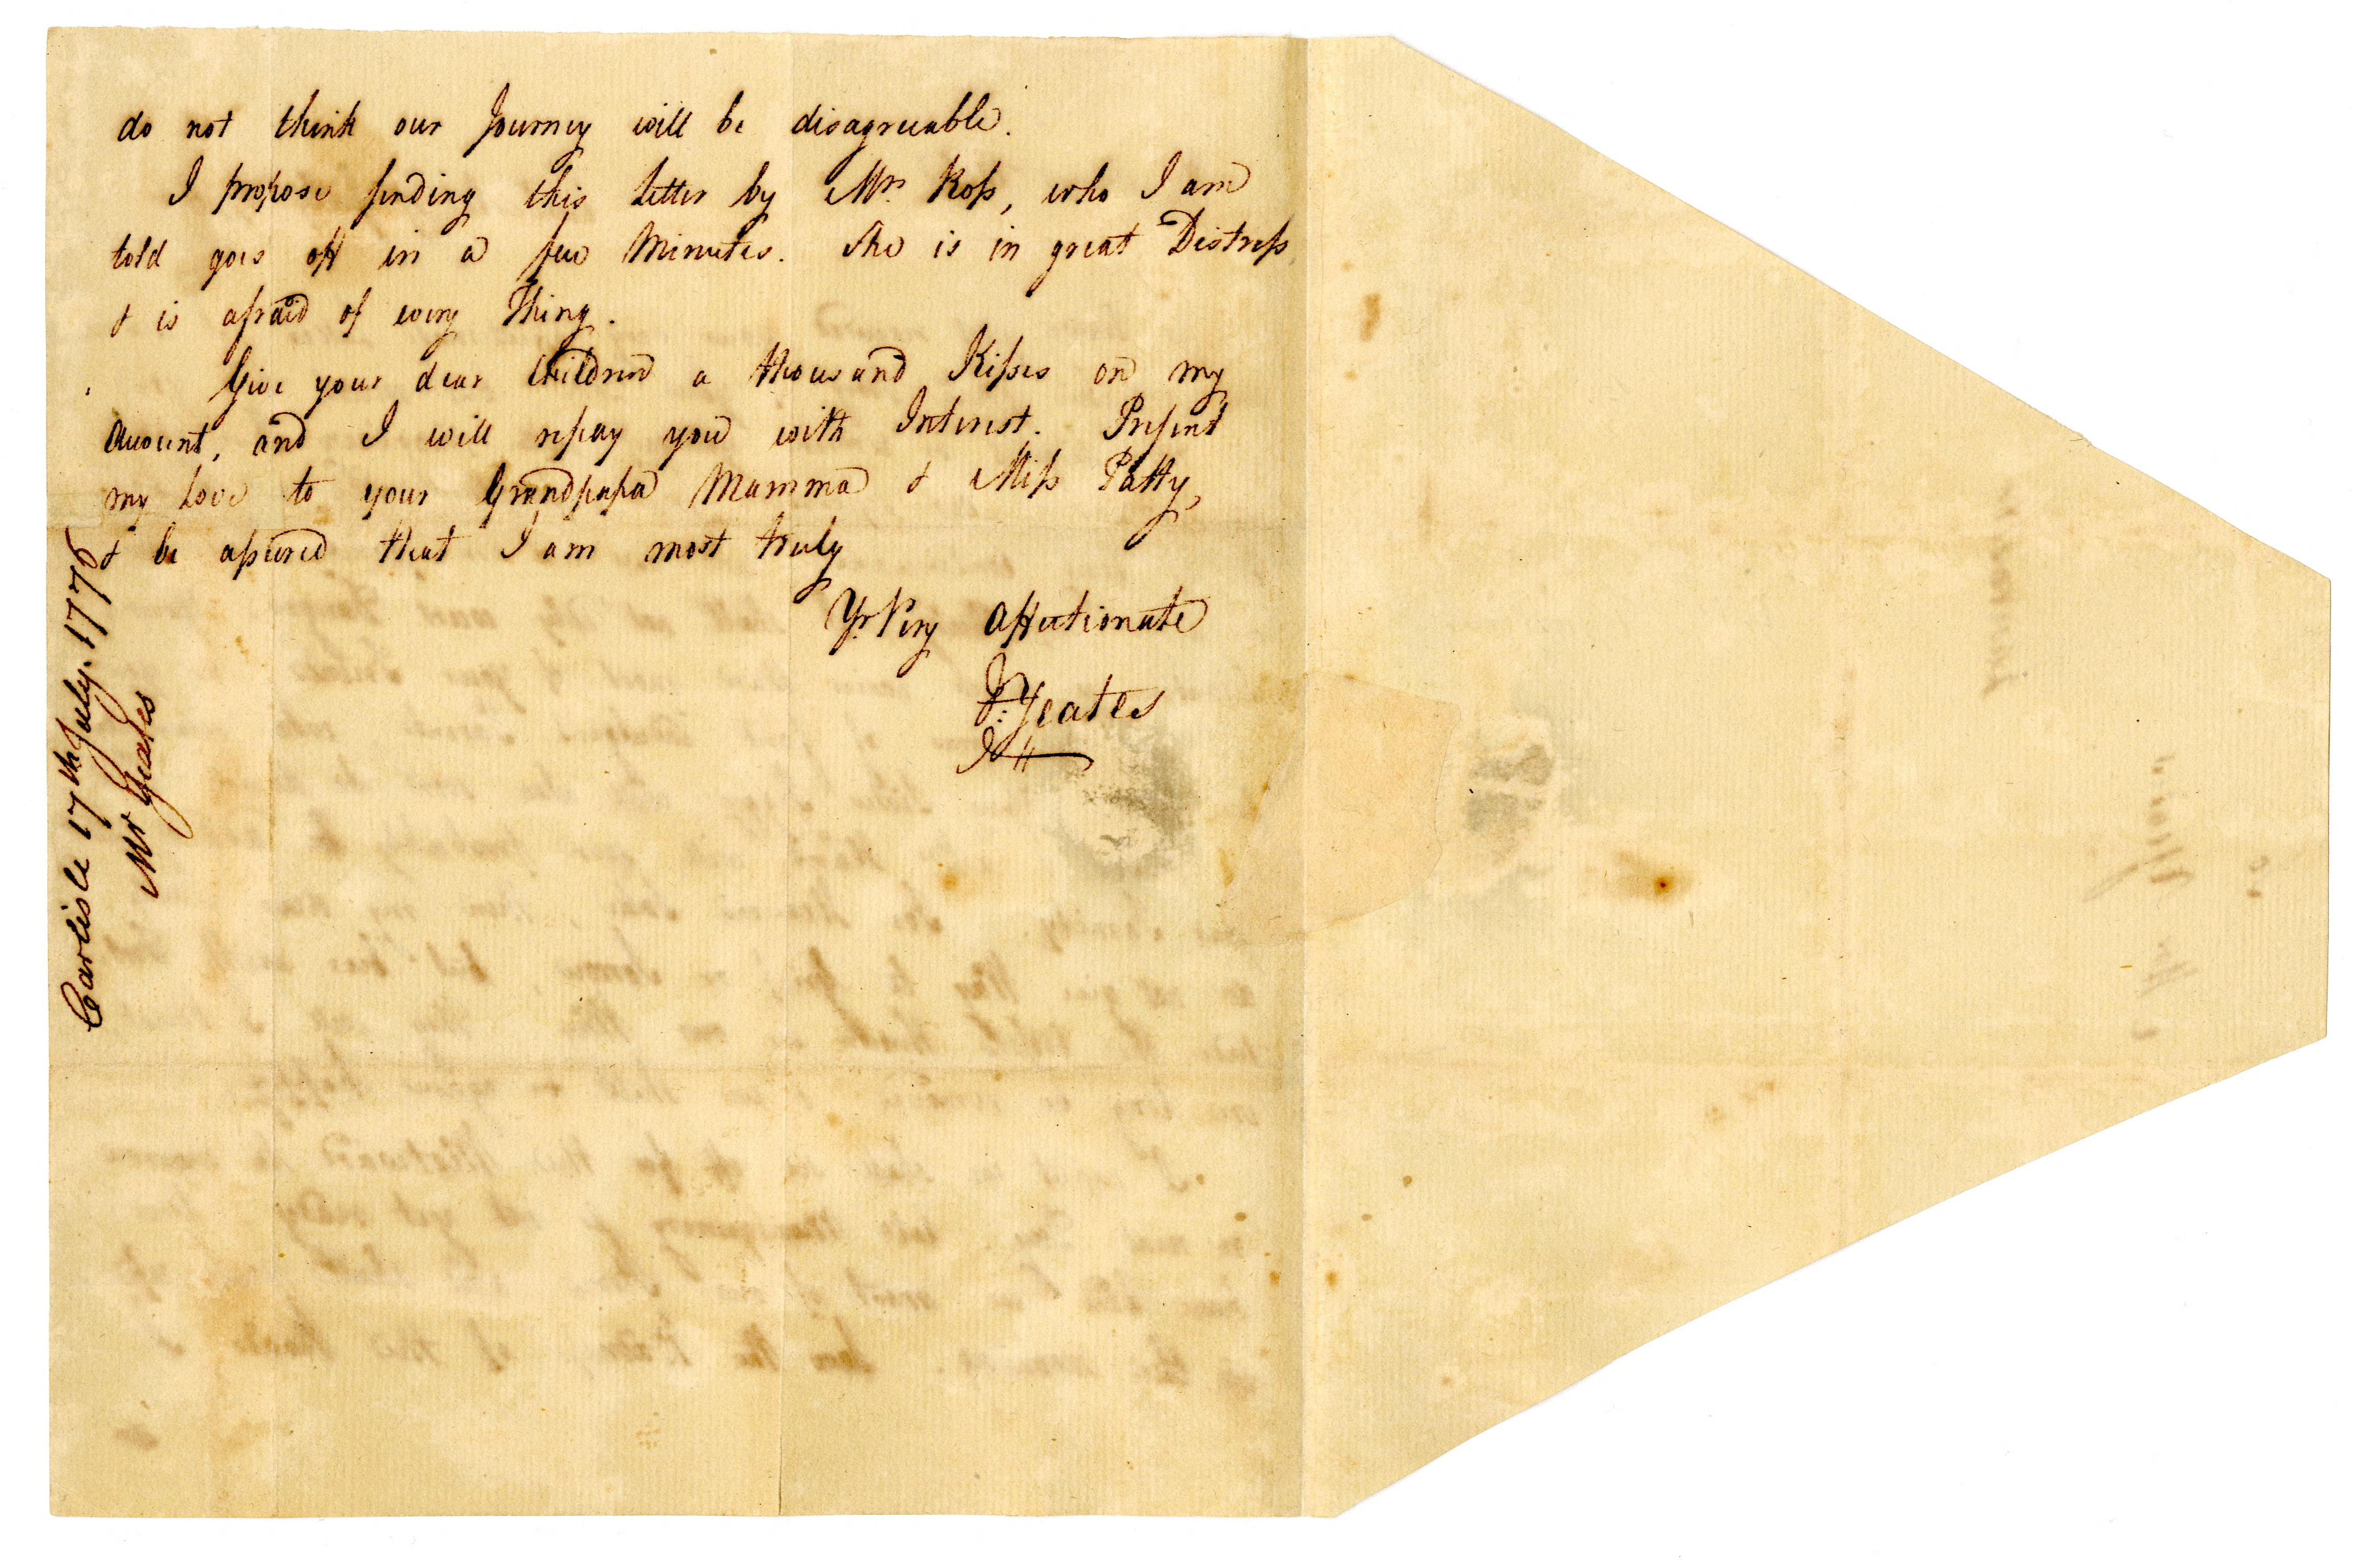do not think our Journey will be disagreeable.
I propose finding this Letter by M^rs. Ross, who I am
told goes off in a few Minutes. She is in great Distress
& is afraid of every Thing.
Give your dear children a thousand Kisses on my
Account, and I will repay you with Interest. Present
my Love to your Grandpapa Mamma & Miss Patty,
be assured that I am most truly
Yr. Very affectionate
J: Yeates
Carlisle 17^th July. 1776
M^r Yeates